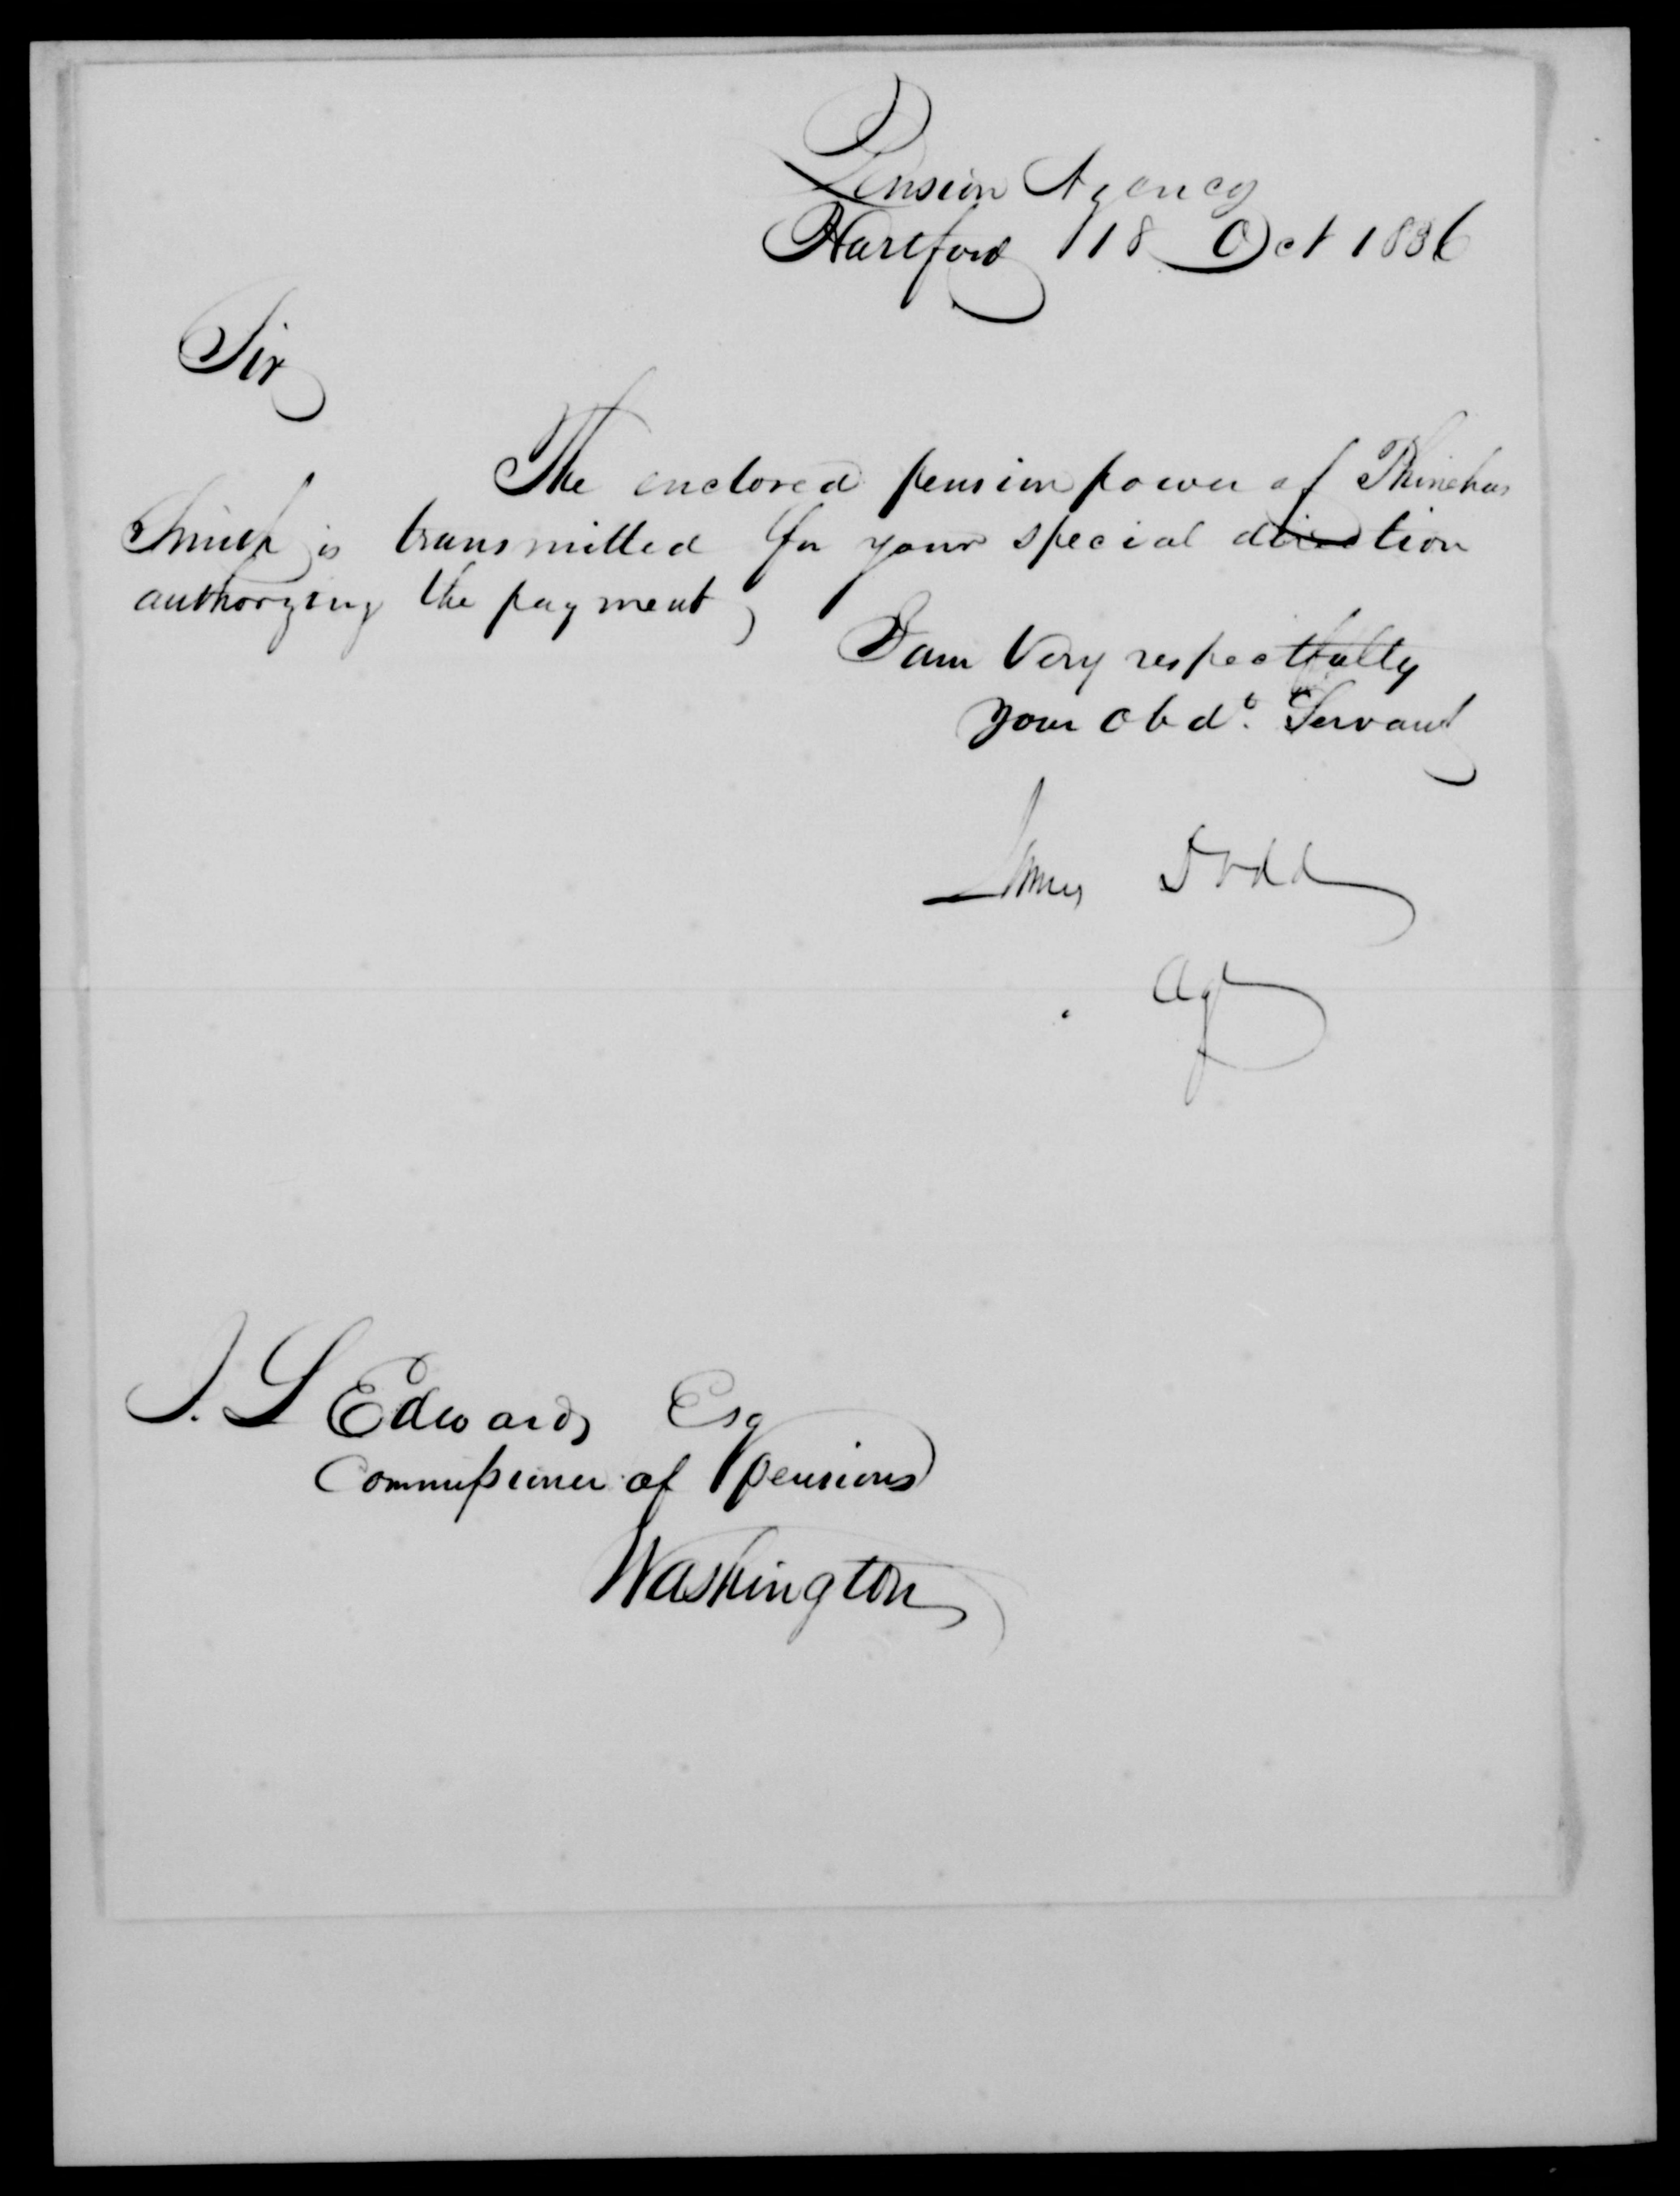Pension Agency 
Hartford 18 Oct 1836 
Sir
The enclosed pension power of Phinehas Smith is transmitted for your special direction authorizing the payment.  
1 am Very respectfully your obt Servant 
James Dodd 
Agt
J. L. Edwards Esq 
Commissioner of Pensions Washington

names: J L Edwards; James Dodd; Phinehas Smith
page: 38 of 55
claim: widow's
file: W. 11480, for Phinehas Smith, Connecticut